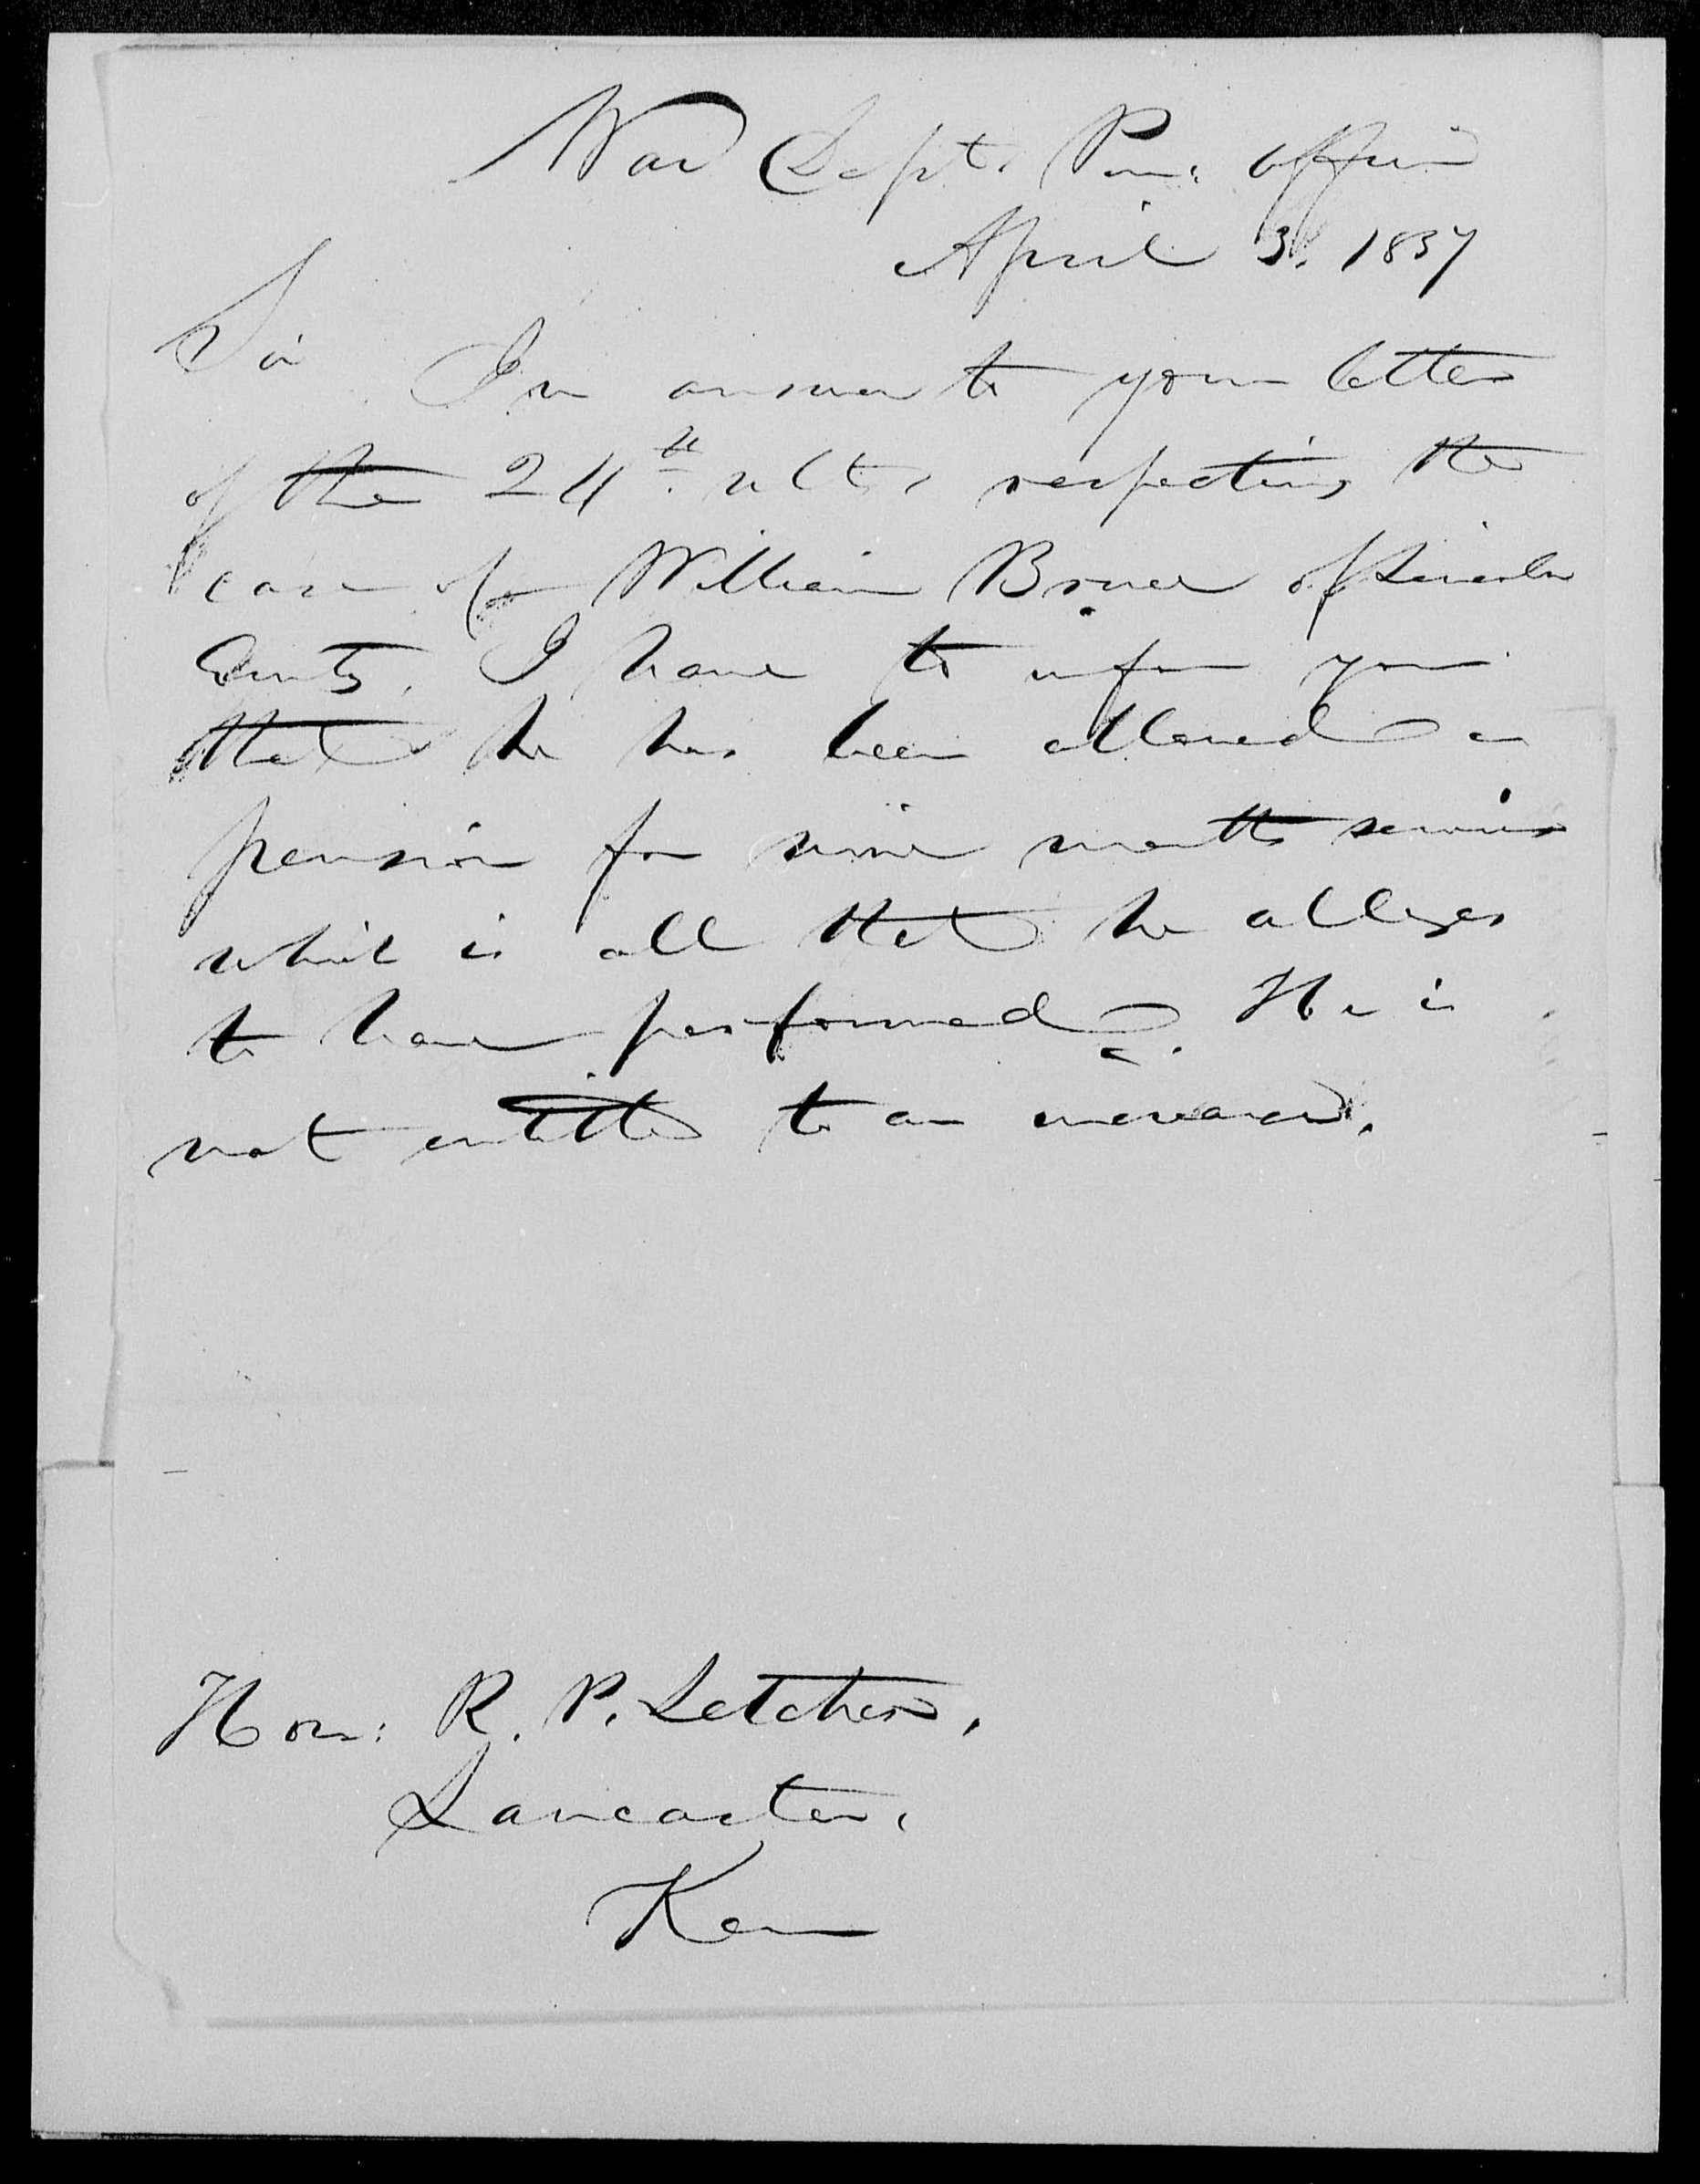War Dept. Pen. office 

Sir
In answer to your letter of the 24th ult respecting the case William Bruce of Lincoln County, I have to inform you that he has been allowed a pension for nine month service which is all that he alleges to have performed. He is not entitled to [anymore?]

Hon R P. Letcher Lancaster Ken [Kentucky]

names: William Bruce, R P Letcher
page: 26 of 54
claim: survivor's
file: S. 30287, William Bruce, N.C.